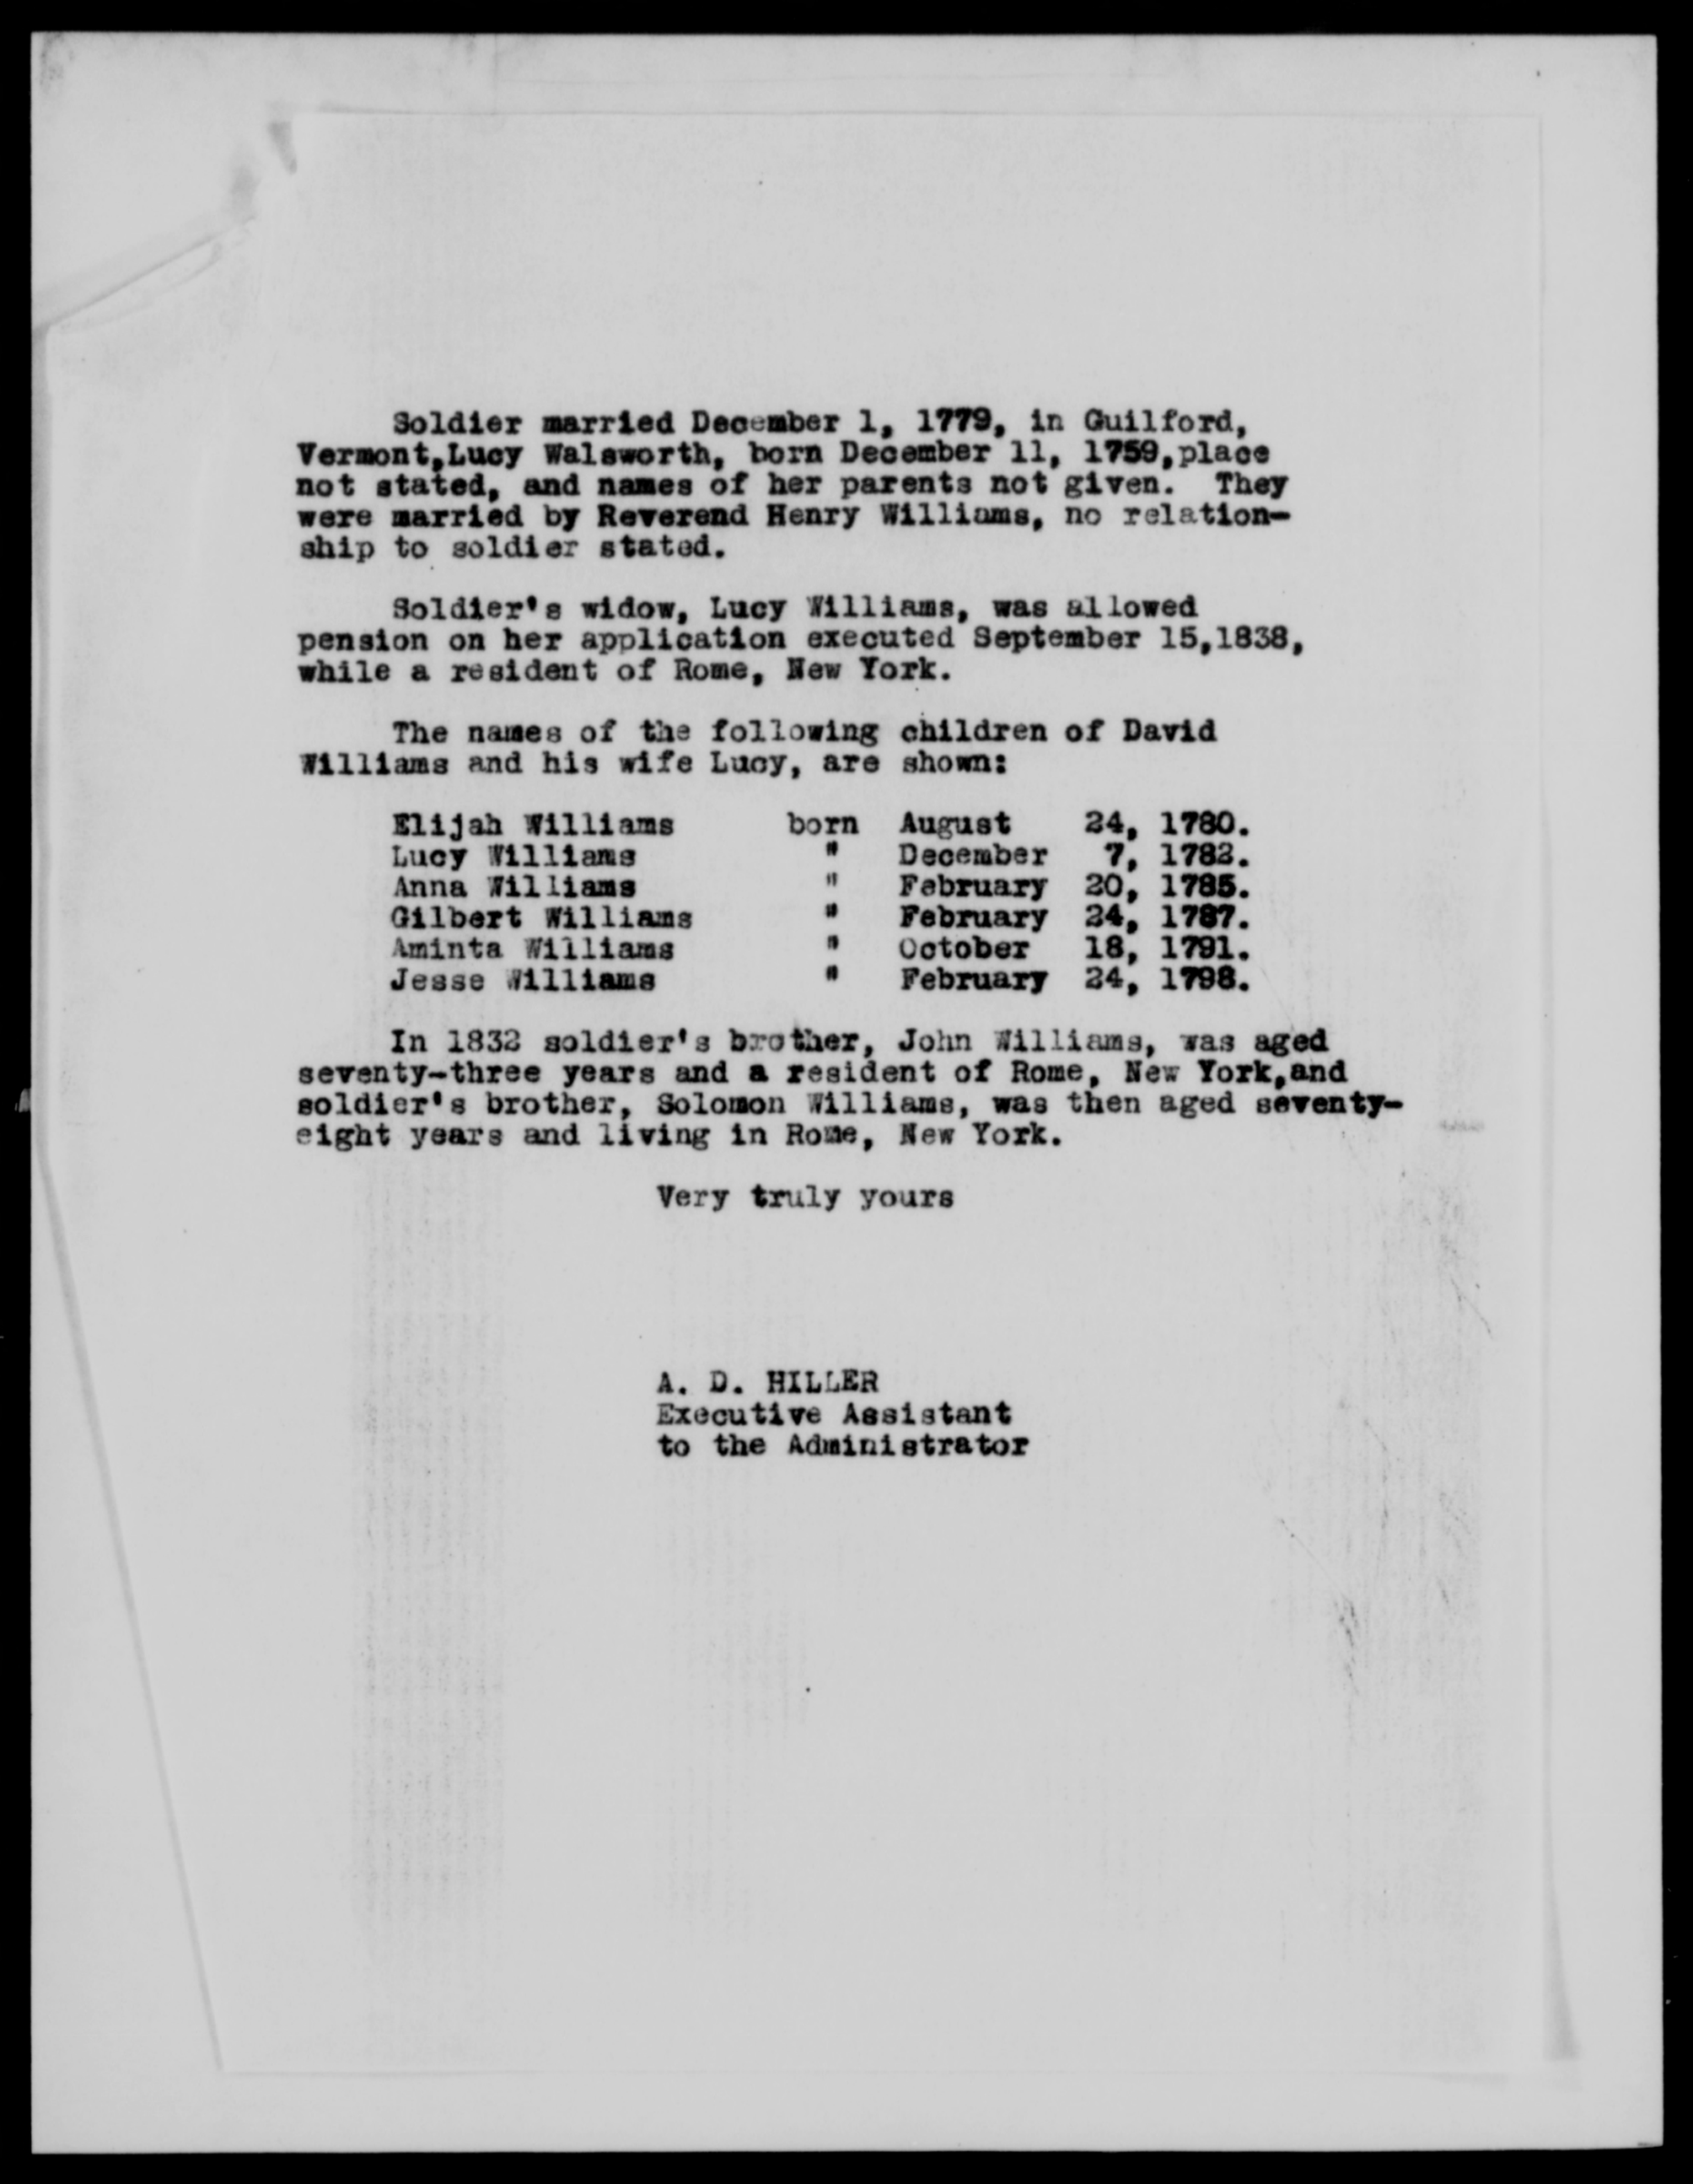Soldier married December 1, 1779, in Guilford, Vermont, Lucy Walsworth, born December 11, 1759, place not stated, and names of her parents not given. They were married by Reverend Henry Williams, no relationship to soldier stated.

Soldier'
s widow, Lucy Williams, was allowed pension on her application executed September 15, 1838, while a resident of Rome, New York.

The names of the following children of David Williams and his wife Lucy are shown:

Elijah Williams    born    August 24, 1780
Lucy Williams        "         December 7, 1782
Anne Williams       "         February 20, 1785
Gilbert Williams    "         February 24, 1787
Aminta Williams    "         October 18, 1791
Jesse Williams        "         February  24, 1798

In 1832 soldier's brother, John Williams, was aged seventy-three years and a resident of Rome, New York, and soldier's brother, Solomon Williams, was then aged seventy-eight years and living in Rome, New York.

Very truly yours

A. D. Hiller
Executive Assistant to the Administrator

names: Solomon Williams, Henry Williams, A D Hiller, John Williams, David Williams, Lucy Walsworth, Jesse Williams, Lucy Williams, Elijah Williams, Gilbert Williams, Aminta Williams, Anna Williams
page: 22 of 63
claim: widow's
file: W. 22,632, David Williams, Conn. Continental Privateer